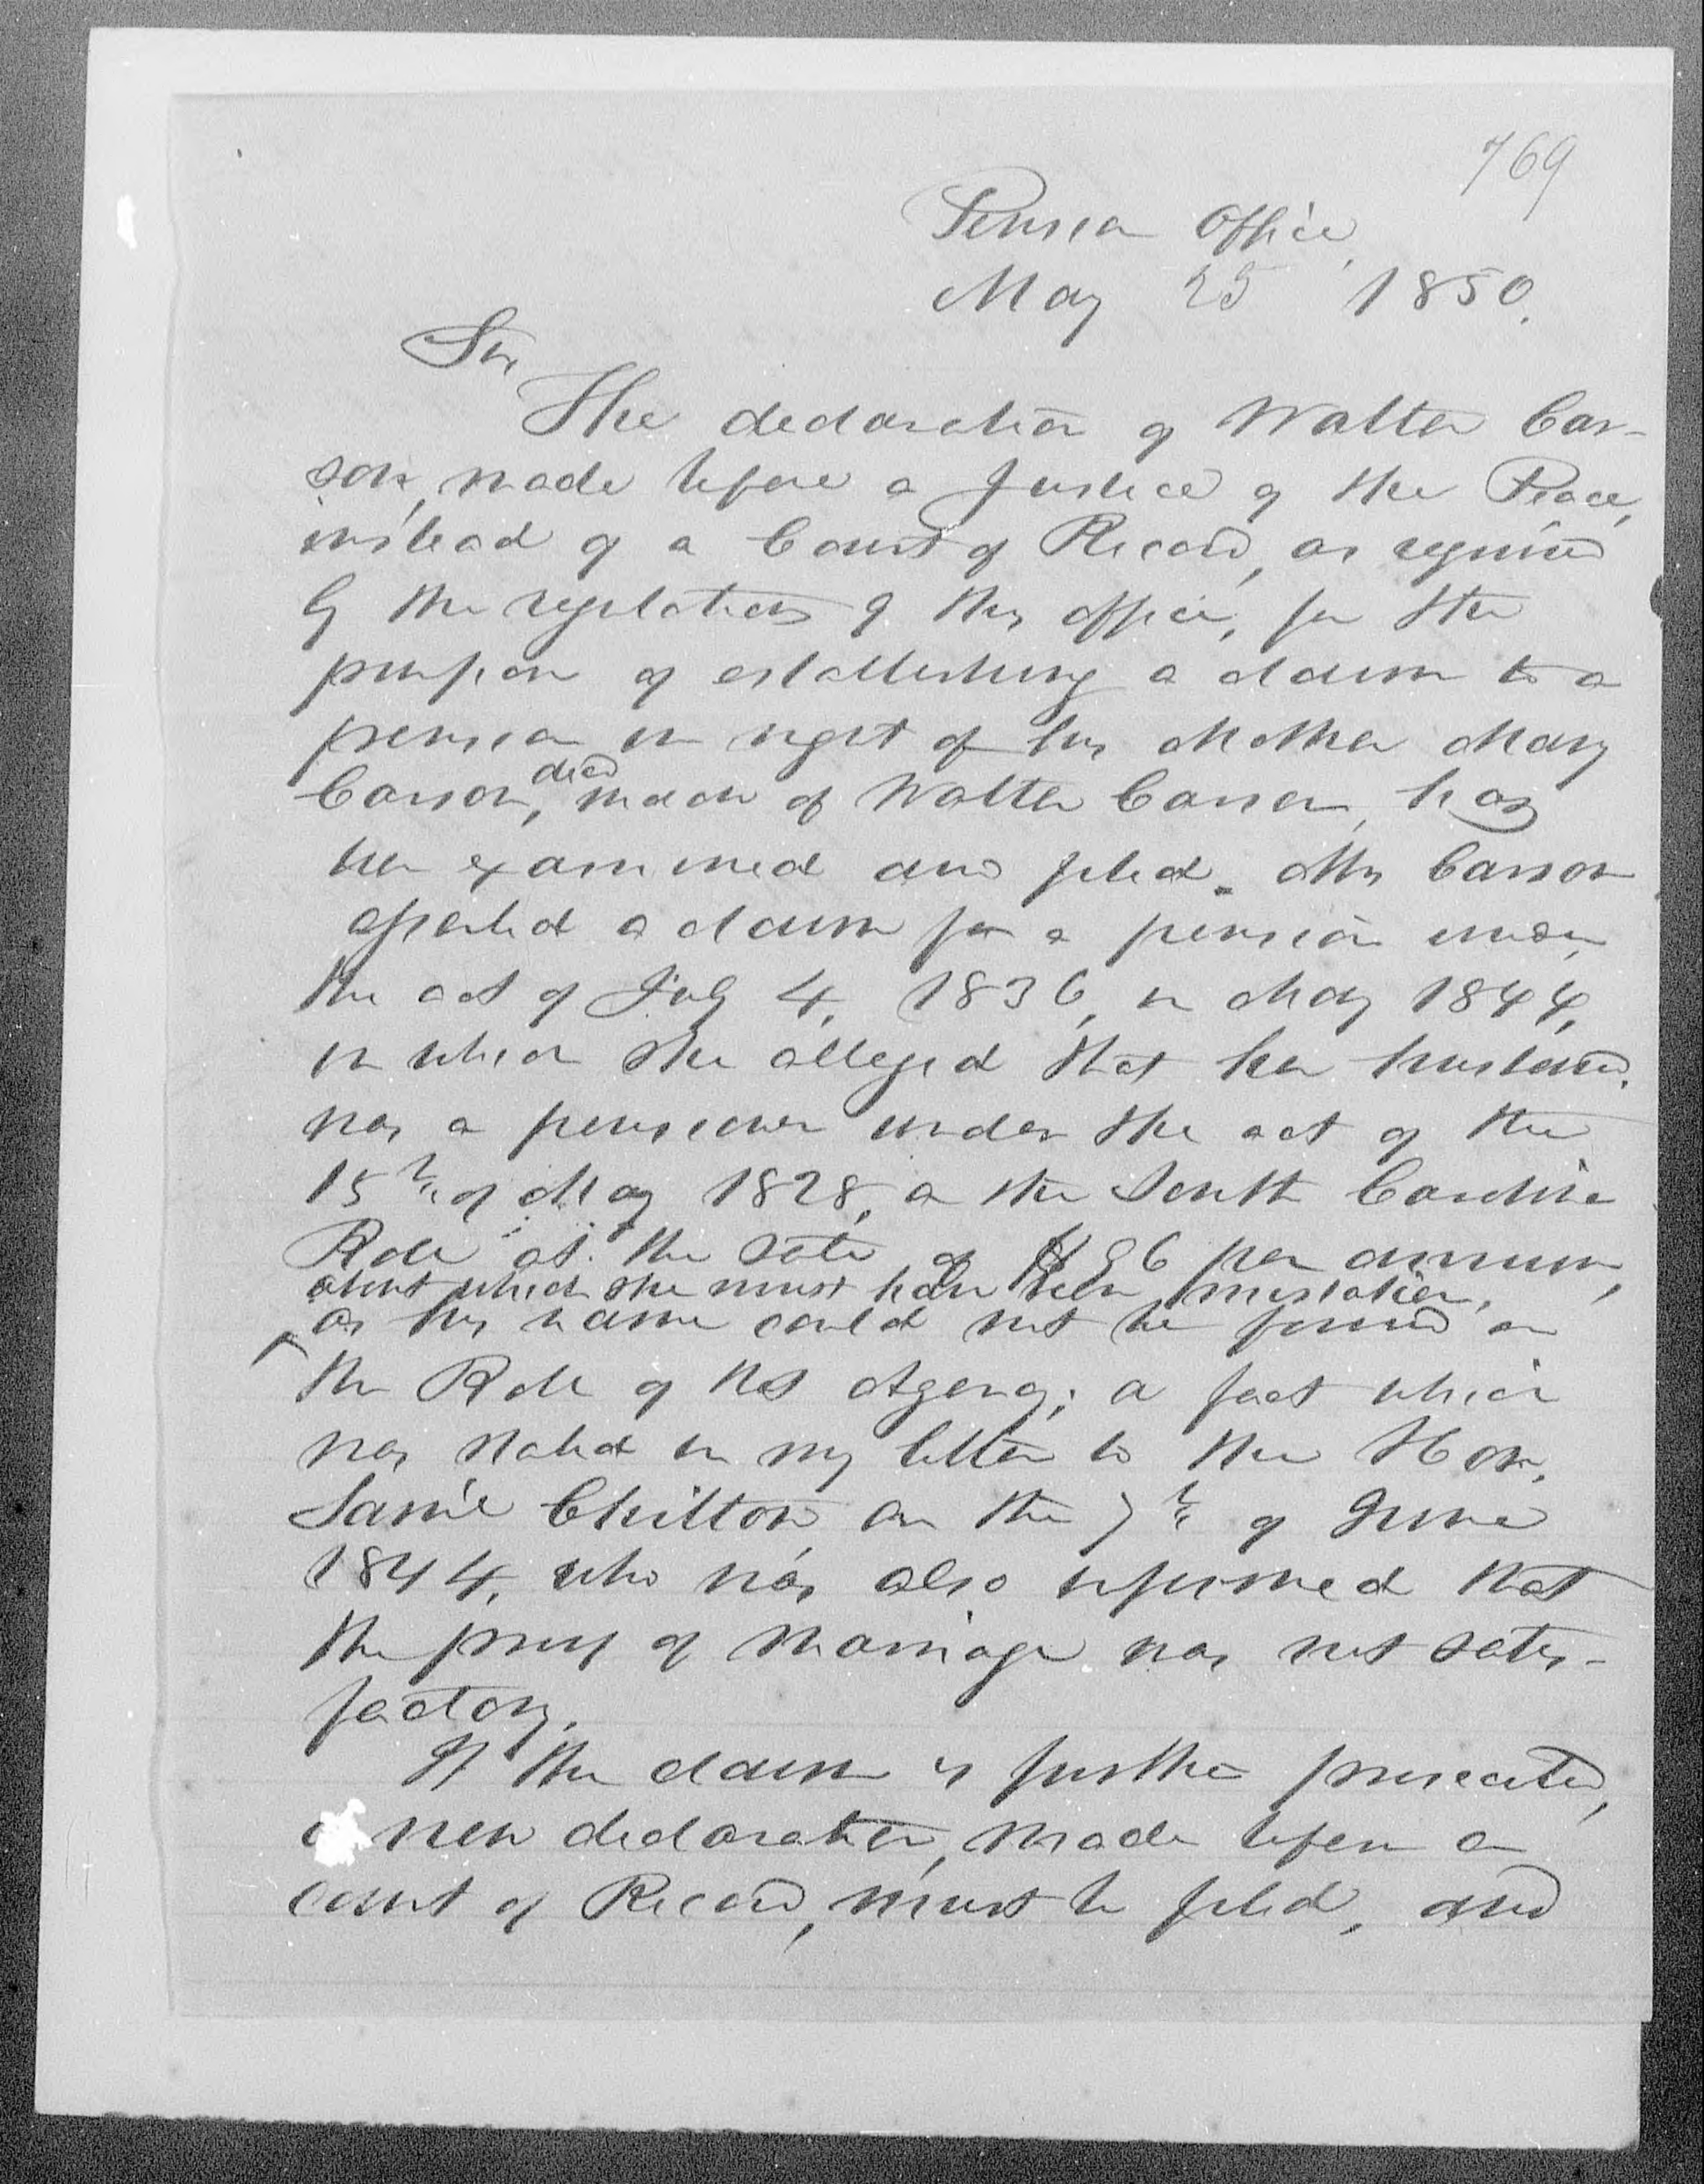769
Pension Office
May 25 1850
Sir
The declaration of Walter Carson made before a Justice of the Peace instead of a Court of Record, as required by the regulations of the office, for the purpose of establishing a claim to a pension on right of his Mother Mary Carson decd, widow of Walter Carson has been examined and filed. Mrs Carson asserted a claim for a pension under the act of July 4, 1836, in May 1844, in which she alleged that her husband was a pensioner under the act of the 15th of May 1828, on the South Carolina Roll at the rate of $96 per annum about which she must have been mistaken as his name could not be found on the Roll of No Agency; a fact which was made of in my letter to the Hon. Sam'l Chilton on the 7th of June 1844, who was also informed that the proof of marriage was not satisfactory.
If the claim is further prosecuted a new declaration, made before a court of Record, must be filed, and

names: Carson, Walter Carson, Saml Chilton, Walter Carson, Mary Carson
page: 31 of 34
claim: rejected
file: R. 1,738, Walter Carson, N.C. S.C.